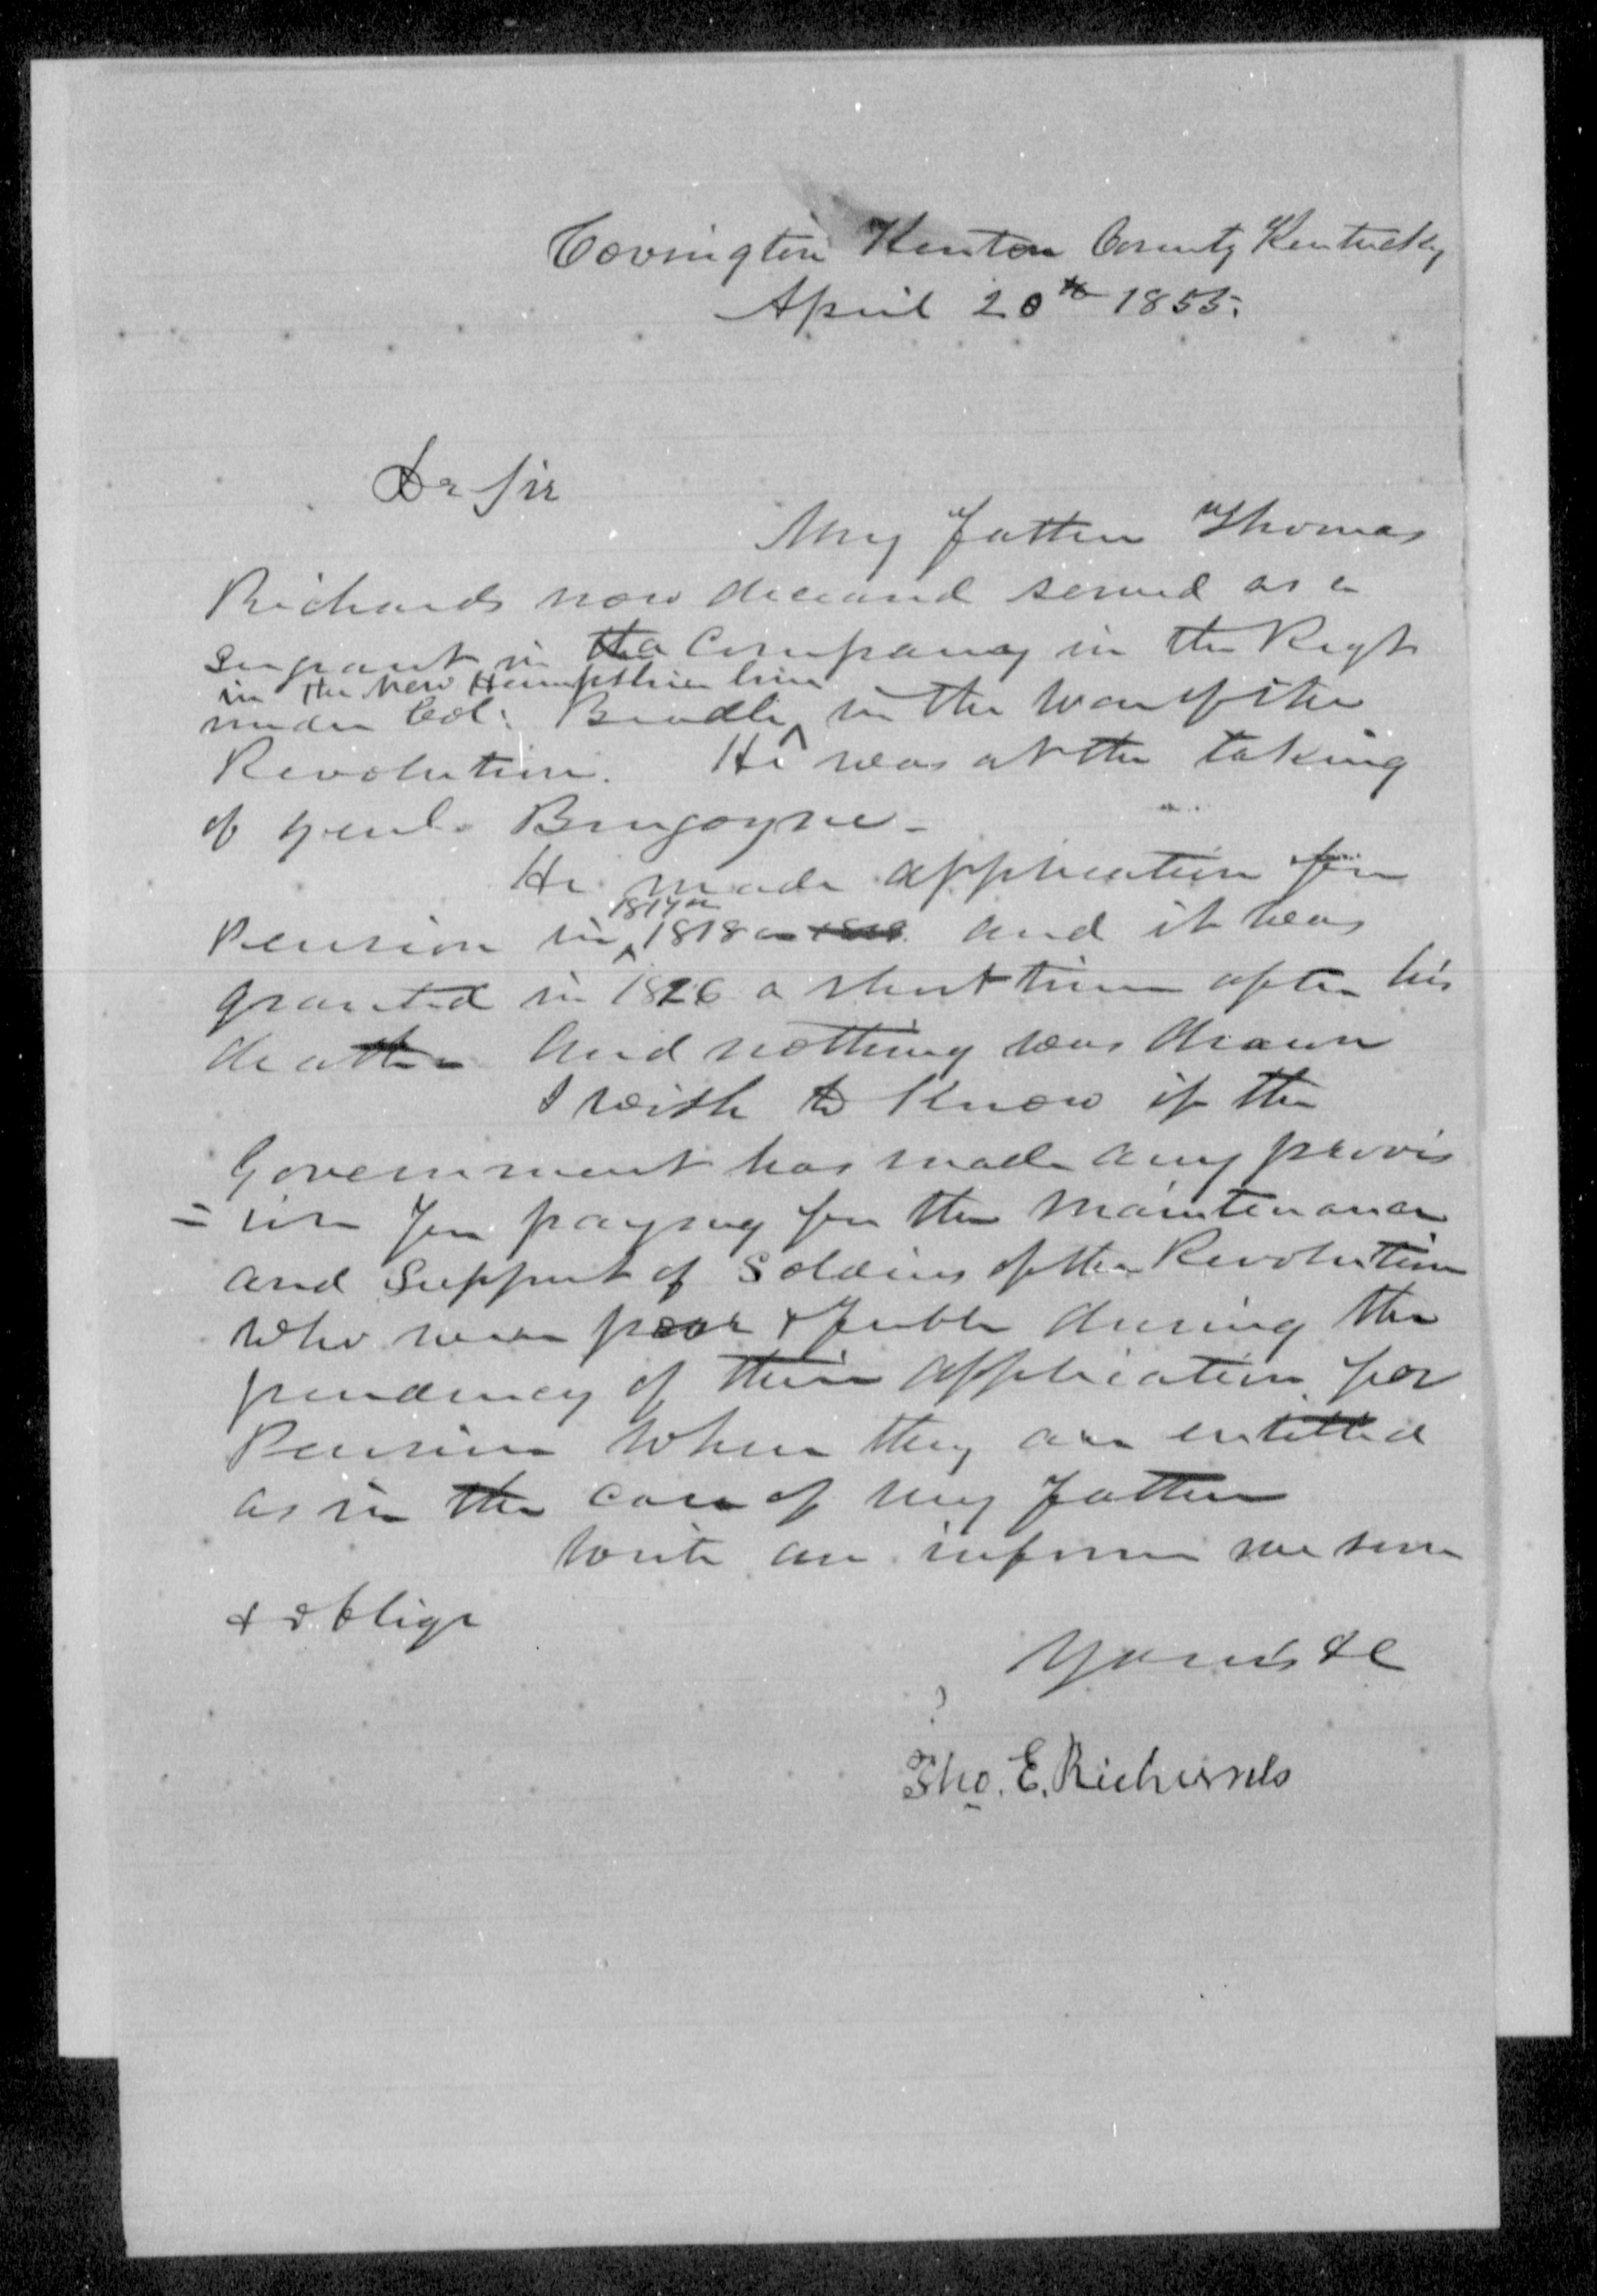Covington Kenton County Kentucky
April 20th 1853.
Dr [DEAR] Sir
My father Thomas Richards now deceased served as a Sergeant in the company in the Regt [REGIMENT] under Col. [COLONEL] Beadle in the New Hampshire line in the war of the
Revolution. He was at the taking of Genl. [GENERAL] Burgoyne -
He made application for Pension in 1817 or 1818 and it was granted in 1826 a short time after his death. And nothing was drawn
I wish to know if the Government has made any provision for paying for the maintenance
and support of soldiers of the Revolution
who were poor & feeble during the pendency of their application for Pension when they are entitled as in the case of my father
[illegible] are infirm [illegible] & oblige
Yours &c [ETC.]
Tho. [THOMAS] E. Richards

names: Tho E Richards; Thomas Richards; [BLANK] Burgoyne; [BLANK] Beadle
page: 43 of 109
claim: widow's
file: W. 5709, for Thomas Richards, New Hampshire